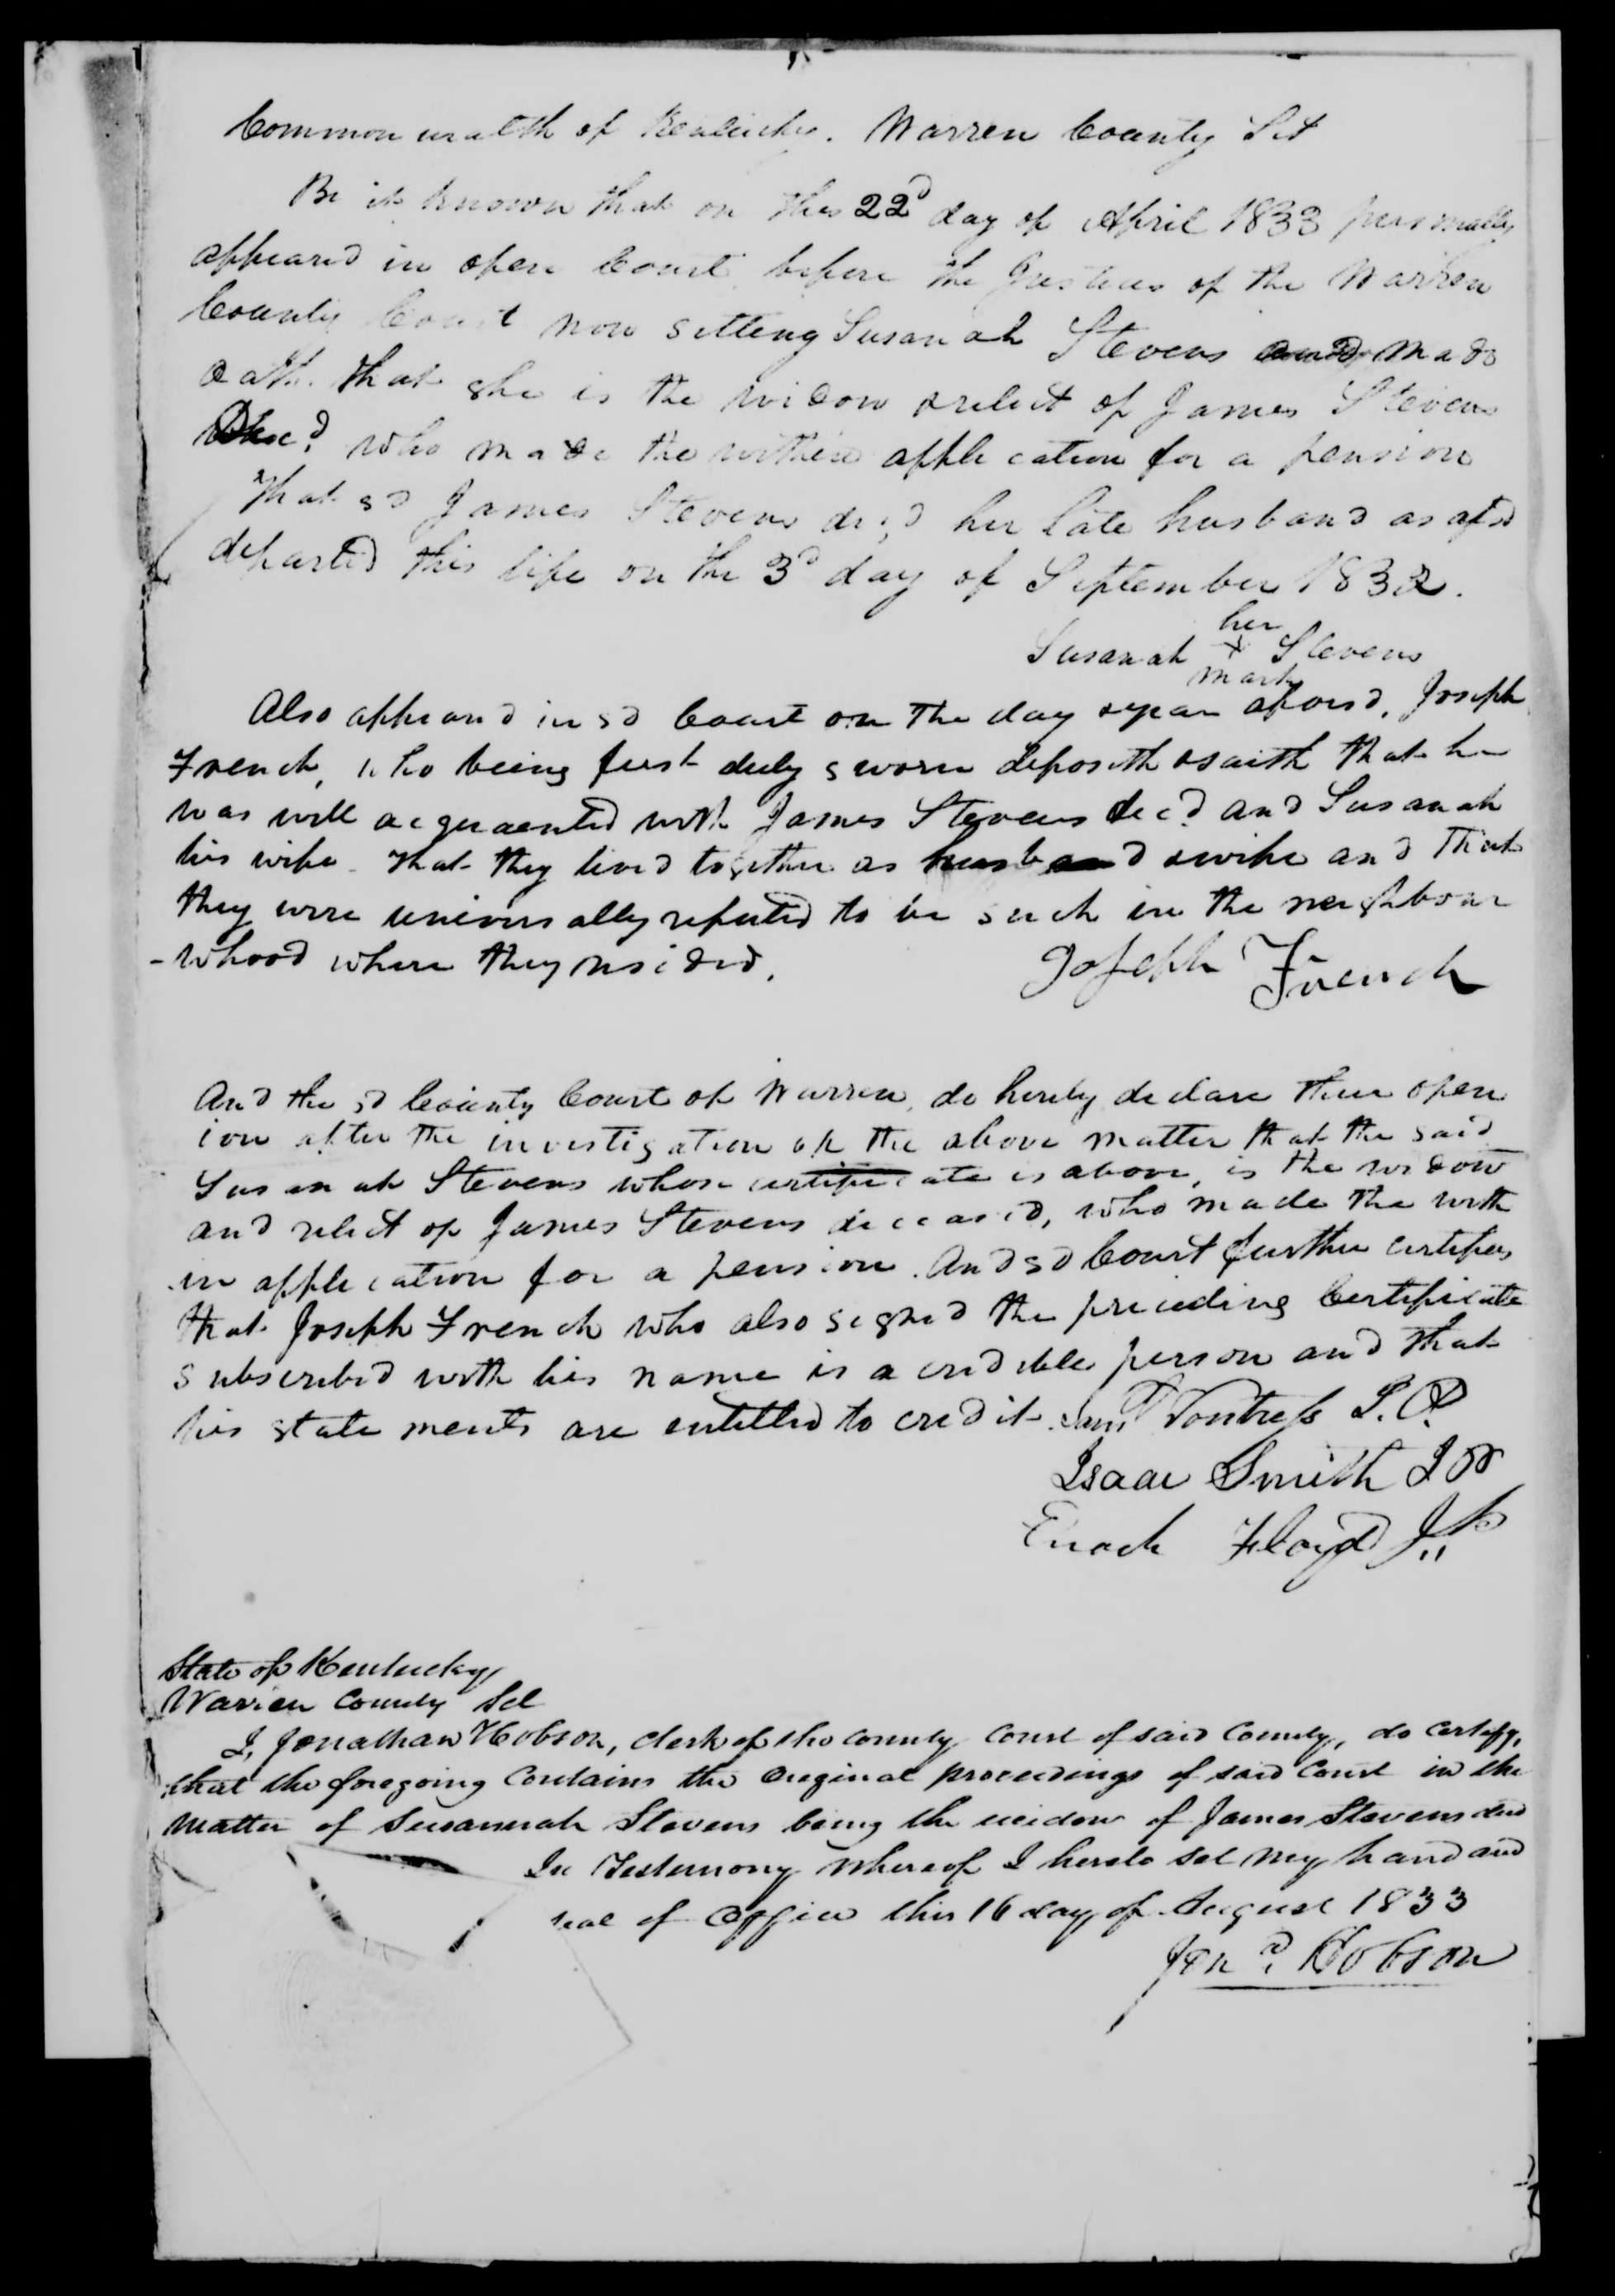Commonwealth of Kentucky Warren County Sct
Be it known that on the 22d day of April 1833 personally appeared in open Court before the Justices of the Warren County Court now sitting Susanah Stevens and made oath that she is the widow & relict of James Stevens Decd who made the written application for a pension
That sd James Stevens decd her late husband as afsd departed this life on the 3d day of September 1832.
her
Susanah x Stevens
mark

Also appeard in sd Court on the day & year aforsd, Joseph French, who being first duly sword deposith & saith that he was well acquainted with James Stevens decd and Susanah his wife. That they lived together as husband and wife and that they were universally reputed to be such in the neighbourhood where they resided.
Joseph French

And the sd County Court of Warren do hereby declare their opinion after the investigation of the above matter that the said Susanah Stevens whose certificate is above, is the widow and relict of James Stevens deceased, who made the within application for a pension. And sd Court further certified that Joseph French who also signed the preieding Certificate subscribed with his name is a credible person and that his statements are entitled to credit. Saml -ontress JP
Isaac Smith JP
Enoch Floyd JP

State of Kentucky
Warren County Sct
I Jonathan Hobson, clerk of the County Court of said County, do certify that the foregoing contains the original proceedings of said Court in the matter of Susannah Stevens being the widow of James Stevens dcd
In Testimony whereof I hereto set my hand and seal of office this 16 day of August 1833
Jon a Hobson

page: 79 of 99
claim: widow's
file: W 8766, for James Stevens, Virginia